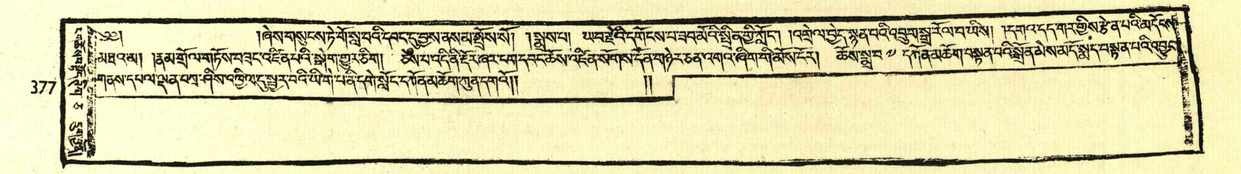༄༅། །ཞེས་གསུངས་ཏེ་གོ་སླ་བའི་དབང་དུ་བྱས་ནས་མ་སྤྲོས་སོ། །སྨྲས་པ། ཡབ་རྗེའི་དགོངས་པ་ཟབ་མོའི་སྤྲིན་གྱི་ཀློང་། །འགྲེལ་བྱེད་སྙན་པའི་འབྲུག་སྒྲ་རོལ་བ་ཡིས། །དགའ་དད་གར་གྱིས་རྩེ་ན་པའི་མདོངས་
མཐའ་མ། །རྣམ་གྲོ་གཏོས་བཟང་འཛིན་པའི་སྒེག་གྱུར་ཅིང་། ཙེཾས་པ་འདི་ནི་རྡོར་ཞར་དག་དབང་ཆོས་འཛིན་སོགས་དོན་གཉེར་ཅན་འགའ་ཞིག་གི་མོས་དོར། ཆོས་སྨྲ་བ ༧་དཀོན་མཆོག་བསྟན་བའི་སྒྲོན་མེས་མདོ་སྨད་བསྟན་པའི་འབྱུང་
གནས་དཔལ་ལྡན་བཀྲ་ཤིས་འཁྱིལ་དུ་སྦྱར་བའི་ཡི་གེ་པ་ནི་དགེ་སློང་དཀོན་མཆོག་ཀུན་དགའོ།། །།